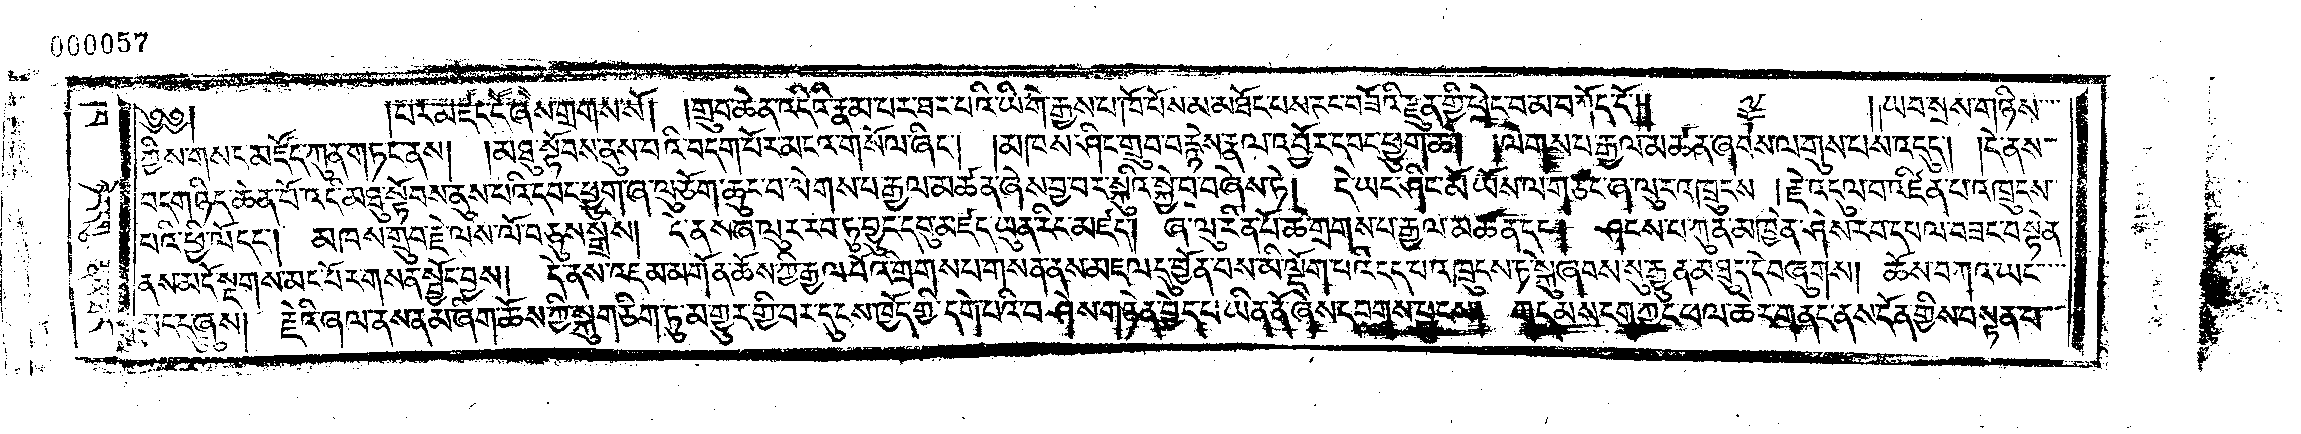༄༅། །པར་མཛད་དོ་ཞེས་གྲགས་སོ། །གྲུབ་ཆེན་འདིའི་རྣམ་པར་ཐར་པའི་ཡི་གེ་རྒྱས་པ་ཁོ་བོས་མ་མཐོང་བས་རང་བཟོའི་རྫུན་གྱི་ཕྲེང་བ་མ་བཀོད་དོ།། ༈ །།ཡབ་སྲས་གཉིས་
ཀྱིས་གསང་མཛོད་ཀུན་གཏད་ནས། །མཐུ་སྟོབས་ནུས་པའི་བདག་པོར་མངའ་གསོལ་ཞིང་། །མཁས་ཤིང་གྲུབ་བརྙེས་རྣལ་འབྱོར་དབང་ཕྱུག་ཆེ། །ལེགས་པ་རྒྱལ་མཚན་ཞབས་ལ་གུས་པས་འདུད། །དེ་ནས་
བདག་ཉིད་ཆེན་པོ་འདི་མཐུ་སྟོབས་ནུས་པའི་དབང་ཕྱུག་ཞ་ལུ་ཅོག་ཆུང་བ་ལེགས་པ་རྒྱལ་མཚན་ཞེས་བྱ་བར་སྐུའི་སྐྱེ་བ་བཞེས་ཏེ། དེ་ཡང་ཤིང་མོ་ཡོས་ལ་གཙང་ཞ་ལུ་ར་འཁྲུངས། །རྗེ་འདུལ་བ་འཛིན་པ་འཁྲུངས་
པའི་ཕྱི་ལོ་དང་། མཁས་གྲུབ་རྗེ་ལས་ལོ་བཅུས་སྒྲེས། དེ་ནས་ཞ་ལུར་རབ་ཏུ་བྱུང་དབུ་མཛད་ཡུན་རིང་མཛད། ཞ་ལུ་རིན་པོ་ཆེ་གྲགས་པ་རྒྱལ་མཚན་དང་། ཤངས་པ་ཀུན་མཁྱེན་ཤེས་རབ་དཔལ་བཟང་བསྟེན་
ནས་མདོ་སྔགས་མང་པོར་གསན་སྦྱོང་བྱས། དེ་ནས་འཇམ་མགོན་ཆོས་ཀྱི་རྒྱལ་པོའི་གྲགས་པ་གསན་ནས་མཇལ་དུ་བྱོན་པས་མི་ལྡོག་པའི་དད་པ་འཁྲུངས་ཏེ་སྐུ་ཞབས་སུ་རྒྱུན་མཐུད་དེ་བཞུགས། ཆོས་བཀའ་ཡང་
མང་དུ་ཞུས། རྗེའི་ཞལ་ནས་ནམ་ཞིག་ཆོས་ཀྱི་སྐུ་གཅིག་ཏུ་མ་གྱུར་གྱི་བར་དུ་ངས་ཁྱོད་ཀྱི་དགེ་བའི་བཤེས་གཉེན་བྱེད་པ་ཡིན་ནོ་ཞེས་དབུགས་ཕྱུངས། གདམས་ངག་ཀྱང་ཕལ་ཆེར་གནང་ནས་དོན་གྱིས་བསྟན་པ་